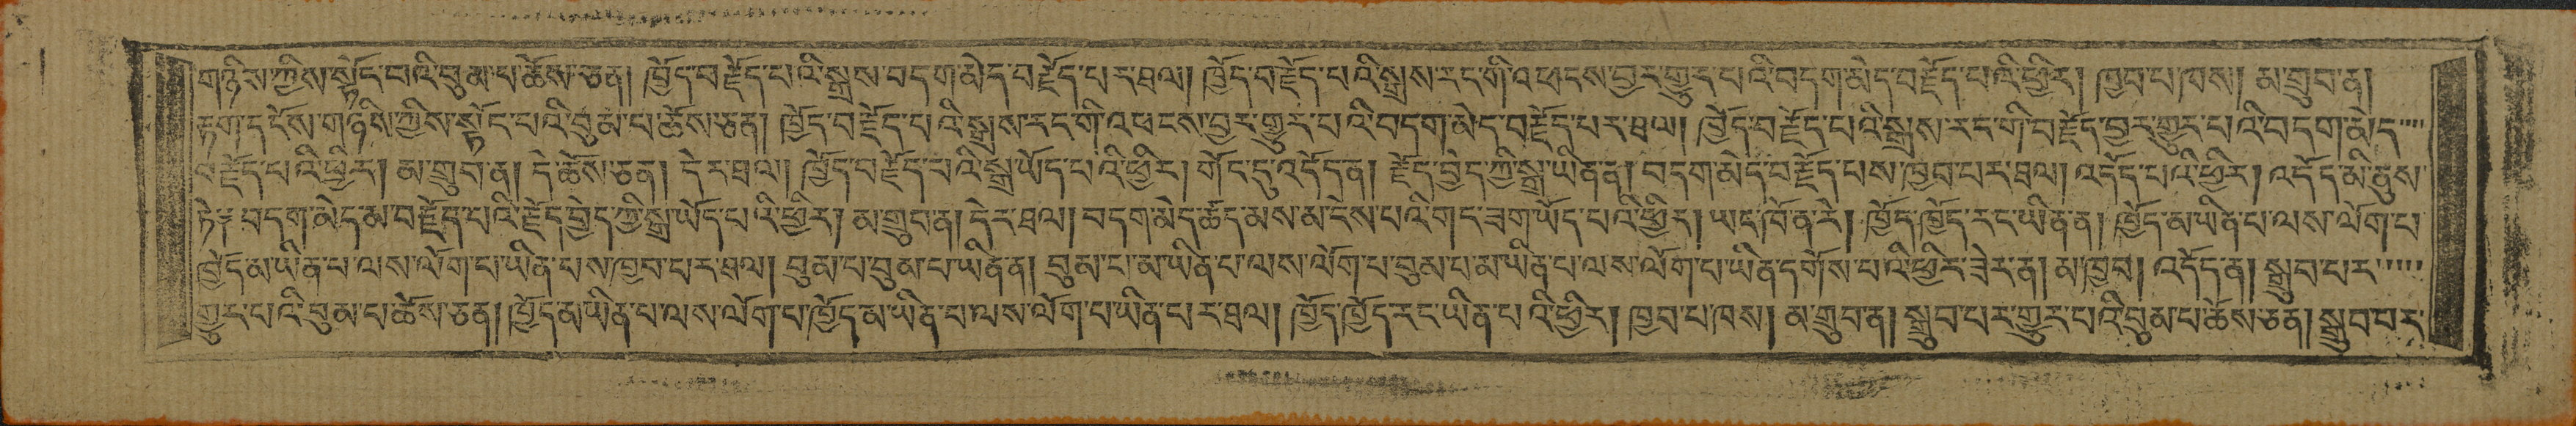གཉིས་ཀྱིས་སྟོང་པའི་བུམ་པ་ཆོས་ཅན། ཁྱོད་བརྗོད་པའི་སྒྲས་བདག་མེད་བརྗོད་པར་ཐལ། ཁྱོད་བརྗོད་པའི་སྒྲས་རང་གི་འཕངས་བྱར་གྱུར་པའི་བདག་མེད་བརྗོད་པའི་ཕྱིར། ཁྱབ་པ་ཁས། མ་གྲུབ་ན།
རྟག་དངོས་གཉིས་ཀྱིས་སྟོང་པའི་བུམ་པ་ཆོས་ཅན། ཁྱོད་བརྗོད་པའི་སྒྲས་རང་གི་འཕངས་བྱར་གྱུར་པའི་བདག་མེད་བརྗོད་པར་ཐལ། ཁྱོད་བརྗོད་པའི་སྒྲས་རང་གི་བརྗོད་བྱར་གྱུར་པའི་བདག་མེད་
བརྗོད་པའི་ཕྱིར། མ་གྲུབ་ན། དེ་ཆོས་ཅན། དེར་ཐལ། ཁྱོད་བརྗོད་པའི་སྒྲ་ཡོད་པའི་ཕྱིར། གོང་དུ་འདོད་ན། རྗོད་བྱེད་ཀྱི་སྒྲ་ཡིན་ན། བདག་མེད་བརྗོད་པས་ཁྱབ་པར་ཐལ། འདོད་པའི་ཕྱིར། འདོད་མི་ནུས་
ཏེ༑ བདག་མེད་མ་བརྗོད་པའི་རྗོད་བྱེད་ཀྱི་སྒྲ་ཡོད་པའི་ཕྱིར། མ་གྲུབ་ན། དེར་ཐལ། བདག་མེད་ཚད་མས་མ་ངེས་པའི་གང་ཟག་ཡོད་པའི་ཕྱིར། ཡང་ཁོ་ན་རེ། ཁྱོད་ཁྱོད་རང་ཡིན་ན། ཁྱོད་མ་ཡིན་པ་ལས་ལོག་པ་
ཁྱོད་མ་ཡིན་པ་ལས་ལོག་པ་ཡིན་པས་ཁྱབ་པར་ཐལ། བུམ་པ་བུམ་པ་ཡིན་ན། བུམ་པ་མ་ཡིན་པ་ལས་ལོག་པ་བུམ་པ་མ་ཡིན་པ་ལས་ལོག་པ་ཡིན་དགོས་པའི་ཕྱིར་ཟེར་ན། མ་ཁྱབ། འདོད་ན། སྒྲུབ་པར་
གྱུར་པའི་བུམ་པ་ཆོས་ཅན། ཁྱོད་མ་ཡིན་པ་ལས་ལོག་པ་ཁྱོད་མ་ཡིན་པ་ལས་ལོག་པ་ཡིན་པར་ཐལ། ཁྱོད་ཁྱོད་རང་ཡིན་པའི་ཕྱིར། ཁྱབ་པ་ཁས། མ་གྲུབ་ན། སྒྲུབ་པར་གྱུར་པའི་བུམ་པ་ཆོས་ཅན། སྒྲུབ་པར་